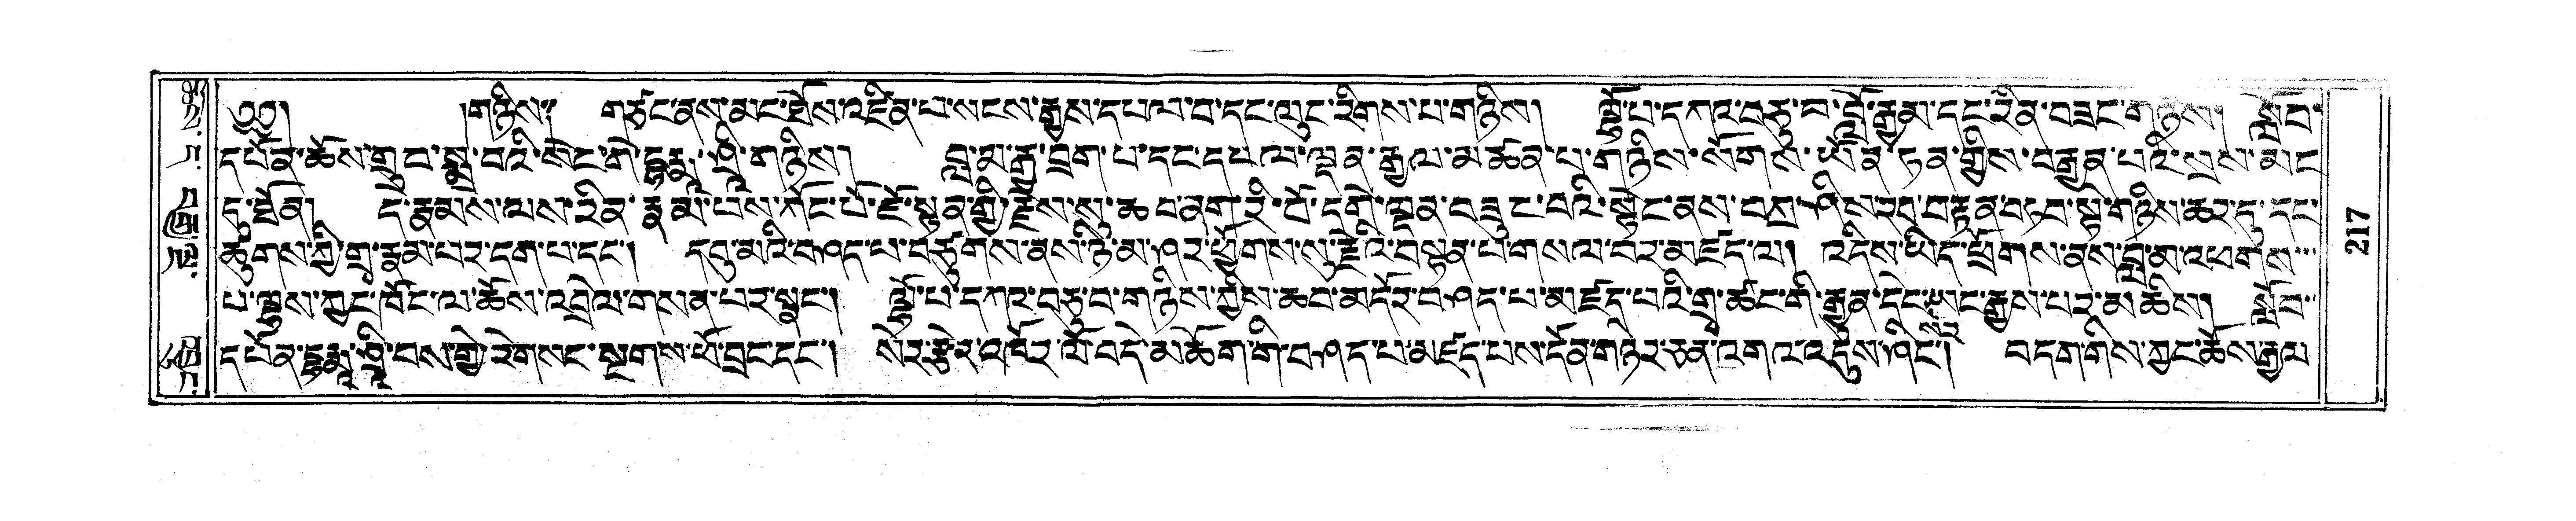༄༅། །གཉིས༑ གཙང་ནས་མང་ཐོས་འཛིན་པ་སངས་རྒྱས་དཔལ་བ་དང་ལུང་རིགས་པ་གཉིས། ལྷོ་པ་དཀའ་བཅུ་བ་བློ་རྒྱམ་དང་རིན་བཟང་གཉིས། སློབ་
དཔོན་ཆོས་གྲུབ་སྨྲ་བའི་སེང་གེ་དྷརྨཱ་ཤྲཱི་གཉིས། བླ་མ་རྒྱ་བྲག་པ་དང་དཔལ་ལྡན་རྒྱལ་མཚན་པ་གཉིས་སོགས་ཡོན་ཏན་གྱིས་བརྒྱན་པའི་སྲས་མང་
དུ་ཐོན། དེ་རྣམས་ལས་རིན་རྣམ་པས་ཀོང་པོ་ཇོ་སྟན་གྱི་རྗེས་སུ་ཆབ་ནག་རི་བོ་དགེ་ལྡན་བཟུང་བའི་སྟེང་ནས་བཀྲ་ཤིས་རབ་བརྟན་བཏབ་སྟེ་གཉིས་ཆར་དུ་དང་
ཚུགས་ཀྱི་གྲྭ་རྣམ་པར་དག་པ་དང་། དབུ་མའི་བཤད་པ་བཙུགས་ནས་ཉི་མ་ཤར་ཕྱོགས་སུ་རྗེའི་བསྟན་པ་གསལ་བར་མཛད་ལ། འདིས་ཡིད་ཕྲོགས་ནས་བླ་མ་འཕགས་
པ་ལྷས་ཀྱང་ཁོང་ལ་ཆོས་འབྲེལ་གསན་པར་སྣང་། ལྷོ་པ་དཀའ་བཅུ་བ་གཉིས་ཀྱིས་ཆབ་མདོར་བཤད་པ་མཛད་པའི་གྲྭ་ཚང་གི་རྒྱུན་དེང་སར་ཡང་རྒྱས་པར་མཆིས། སློབ་
དཔོན་དྷརྨཱ་ཤྲཱི་བས་གྱེ་རེ་གསང་སྔགས་ཕོ་བྲང་དང་། སེར་རྩེར་འཁོར་ལོ་བདེ་མཆོག་གི་བཤད་པ་མཛད་པས་དོན་གཉེར་ཅན་འགའ་འདུས་ཤིང་། བདག་གིས་ཀྱང་ཆོས་རྒྱལ་